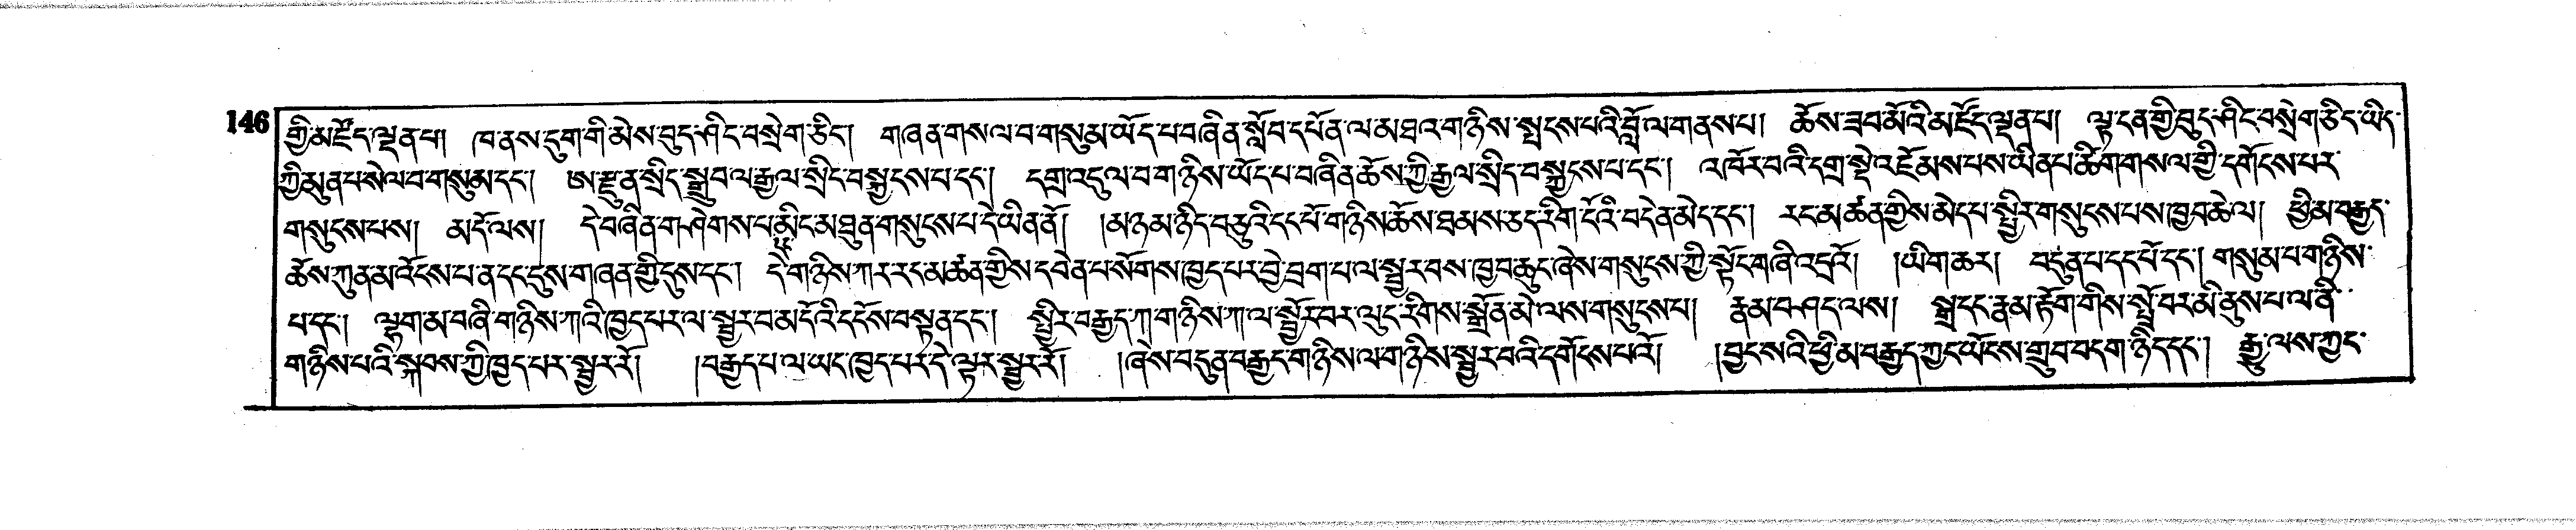གྱི་མཛོད་ལྡན་པ། ཁ་ནས་དུག་གི་མེས་བུད་ཤིང་བསྲེག་ཅིང་། གཞན་གསལ་བ་གསུམ་ཡོད་པ་བཞིན་སློབ་དཔོན་ལ་མཐའ་གཉིས་སྤངས་པའི་བློ་ལ་གནས་པ། ཆོས་ཟབ་མོའི་མཛོད་ལྡན་པ། ལྟ་ངན་གྱི་བུད་ཤིང་བསྲེག་ཅིང་ཡིད་
ཀྱི་མུན་པ་སེལ་བ་གསུམ་དང་། ཨ་རྫུ་ན་སྲིད་སྒྲུབ་ལ་རྒྱལ་སྲིད་བསྐྱངས་པ་དང་། དགྲ་འདུལ་བ་གཉིས་ཡོད་པ་བཞིན་ཆོས་ཀྱི་རྒྱལ་སྲིད་བསྐྱངས་པ་དང་། འཁོར་བའི་དགྲ་སྡེ་འཇོམས་པས་ཡིན་པ་ཚིག་གསལ་གྱི་དགོངས་པར་
གསུངས་པས། མདོ་ལས། དེ་བཞིན་གཤེགས་པ་དང་མིང་མཐུན་གསུངས་པ་དེ་ཡིན་ནོ། །མཉམ་ཉིད་བཅུའི་དང་པོ་གཉིས་ཆོས་ཐམས་ཅད་རིག་ངོའི་བདེན་མེད་དང་། རང་མཚན་གྱིས་མེད་པ་སྤྱིར་གསུངས་པས་ཁྱབ་ཆེ་ལ། ཕྱི་མ་བརྒྱད་
ཆོས་ཀུན་མ་འོངས་པ་ན་དང་དུས་གཞན་གྱི་དུས་དང་། དེ་གཉིས་ཀར་རང་མཚན་གྱིས་དབེན་པ་སོགས་ཁྱད་པར་བྱེ་བྲག་པ་ལ་སྦྱར་བས་ཁྱབ་ཆུང་ཞེས་གསུངས་ཀྱི་སྟོང་གཞི་འདྲའོ། །ཡིག་ཆར། བདུན་པ་དང་པོ་དང་། གསུམ་པ་གཉིས་
པ་དང་། ལྷག་མ་བཞི་གཉིས་ཀའི་ཁྱད་པར་ལ་སྦྱར་བ་མདོའི་དངོས་བསྟན་དང་། སྤྱིར་བརྒྱད་ཀ་གཉིས་ཀ་ལ་སྦྱོར་བར་ལུང་རིགས་སྒྲོན་མེ་ལས་གསུངས་པ། རྣམ་བཤད་ལས། སྒྲ་དང་རྣམ་རྟོག་གིས་སྤྲོ་བར་མི་ནུས་པ་ལ་ནི་
གཉིས་པའི་སྐབས་ཀྱི་ཁྱད་པར་སྦྱར་རོ། །བརྒྱད་པ་ལ་ཡང་ཁྱད་པར་དེ་ལྟར་སྦྱར་རོ། །ཞེས་བདུན་བརྒྱད་གཉིས་ལ་གཉིས་སྦྱར་བའི་དགོངས་པའོ། །བྱང་སའི་ཕྱི་མ་བརྒྱད་ཀྱང་ཡོངས་གྲུབ་བདག་ཉིད་དང་། རྒྱུ་ལས་ཀྱང་